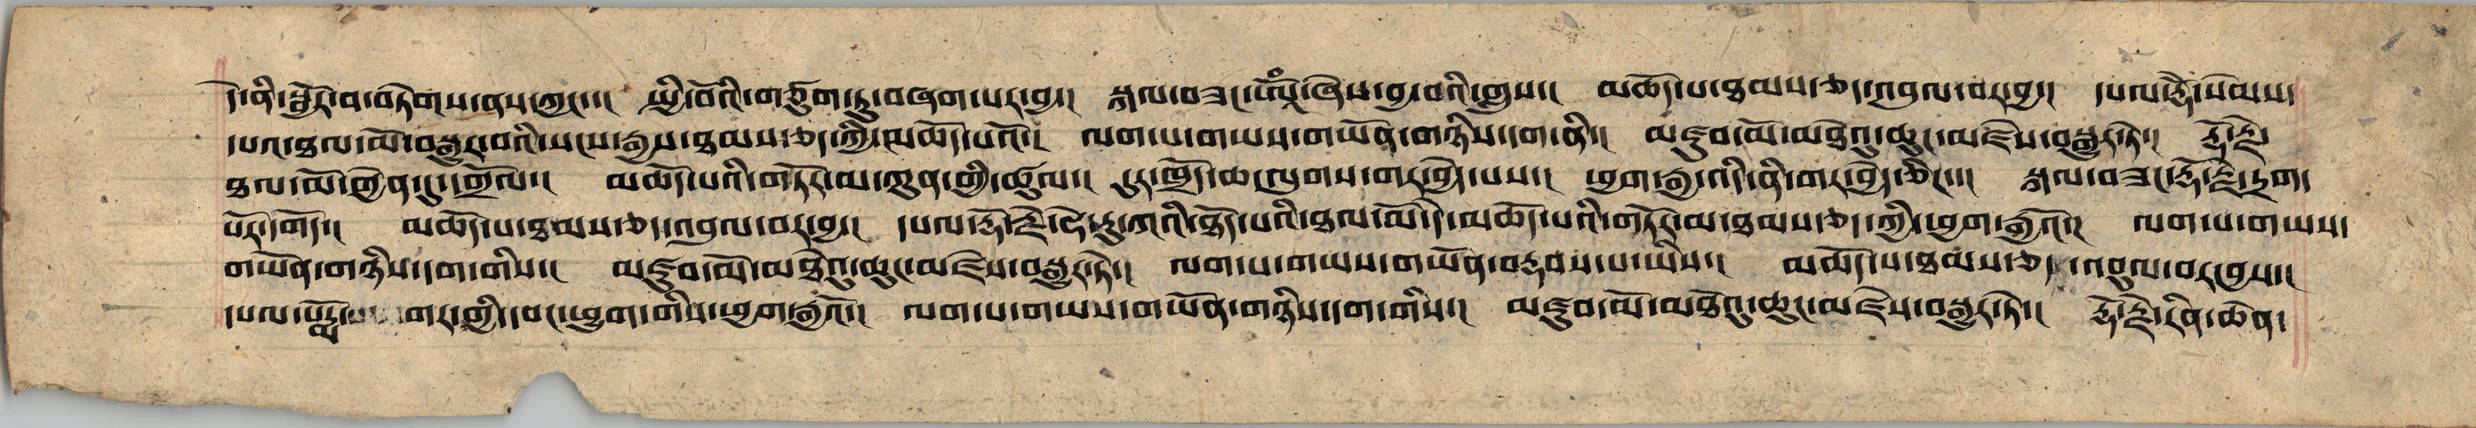དེ་ནི་སྦྱོར་བ་བཏེགས་ནས་ཀྱང་་། སྤྱི་བོའི་གཙུག་ཏུ་བཞག་པར་བྱ་། སྐལ་བཟང་ཨཱོཾ་ཞེས་བྱ་བའི་གླུས་། མཆོད་པ་ཐམས་ཅད་འབུལ་བར་བྱ་། དཔལ་རྡོེ་སེམས་
དཔའ་ཐལ་མོ་བསྒྱུར་བའི་སངས་རྒྱས་ཐམས་ཅད་ཀྱི་མཆོད་པའོ་། ལག་པ་གཡས་གཡོན་གཉིས་དག་ནི་། མཛུབ་མོ་མཐེའུ་ཆུང་མཛེས་བསྒྱུར་ཏེ་། རྡོ་རྗེ་
ཐལ་མོ་གྱེན་དུ་གྲོལ་། མཆོད་པའི་གཏོར་མ་ཀུན་གྱི་ཚུལ་། དུར་ཁྲོད་ཆ་ལུགས་གར་བྱེད་པས་། ཕྱག་རྒྱ་འདི་ནི་གར་བྱེད་ཅིང་་། སྐལ་བཟང་རྡོ་རྗེ་དྲག་
པོར་དགོད་། མཆོད་པ་ཐམས་ཅད་འབུལ་བར་བྱ་། དཔལ་རྡོ་རྗེ་ཧེ་རུ་ཀའི་ཐོད་པའི་ཐལ་མོ་དེ་མཆོད་པའི་གཏོར་མ་ཐམས་ཅད་ཀྱི་ཕྱག་རྒྱའོ་། ལག་པ་གཡས་
གཡོན་གཉིས་དག་གིས་། མཛུབ་མོ་མཐེའུ་ཆུང་མཛེས་བསྒྱུར་ཏེ་། ལག་པ་གཡས་གཡོན་བརྡབས་པ་ཡིས་། མཆོད་པ་ཐམས་ཅད་འབུལ་བར་བྱས་།
དཔལ་པདྨོ་གར་གྱི་དབང་ཕྱུག་གིས་ཕྱག་རྒྱའོ་། ལག་པ་གཡས་གཡོན་གཉིས་དག་གིས་། མཛུབ་མོ་མཐེའུ་ཆུང་མཛེས་བསྒྱུར་ཏེ་། རྡོ་རྗེ་རིན་ཆེན་